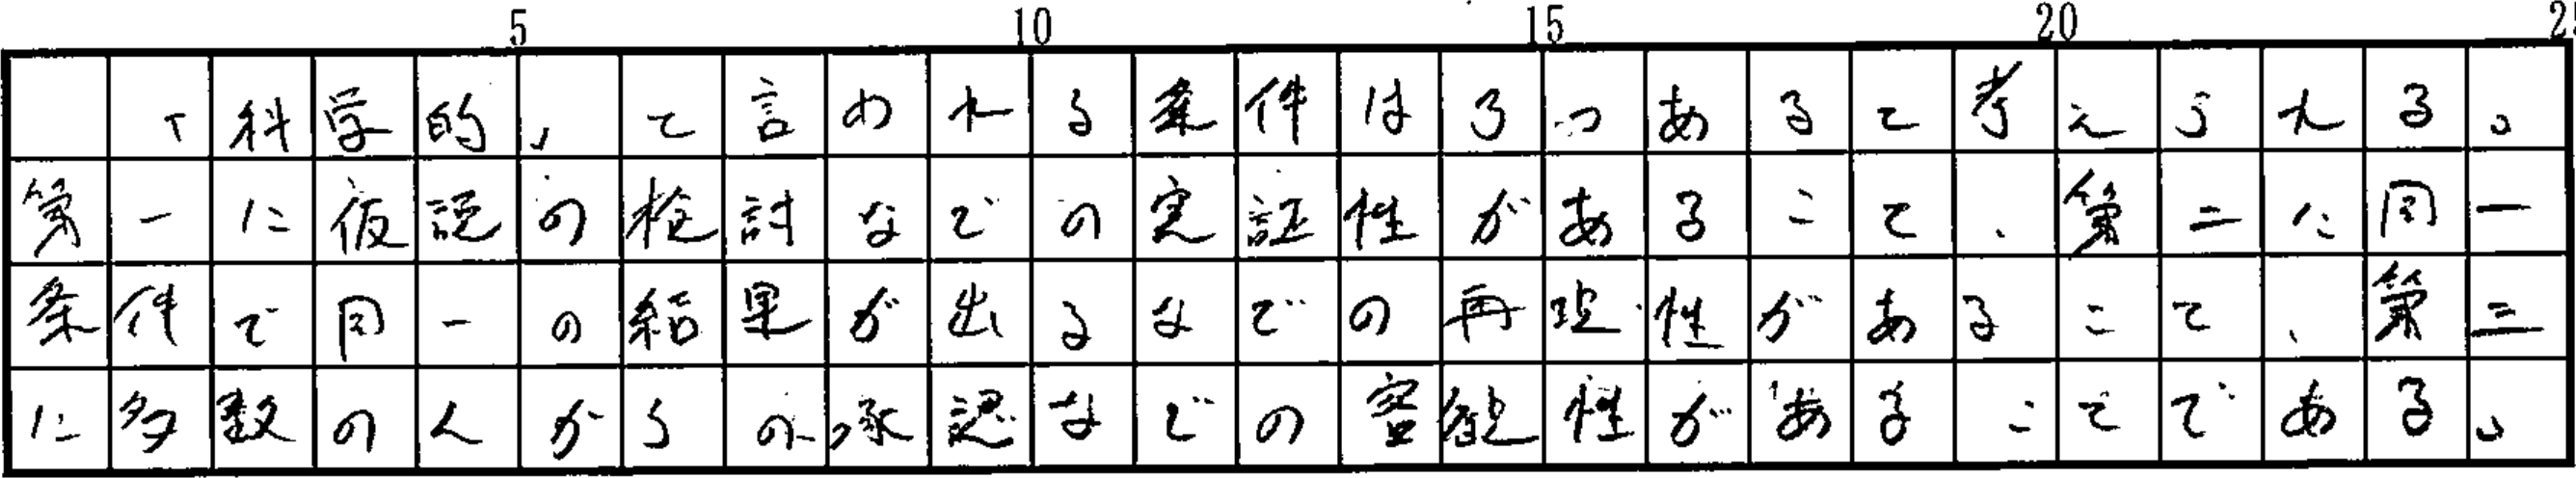　「科学的」と言われる条件は３つあると考えられる。第一に仮説の検討などの実証性があること、第二に同一条件で同一の結果が出るなどの再現性があること、第三に多数の人からの承認などの客観性があることである。
